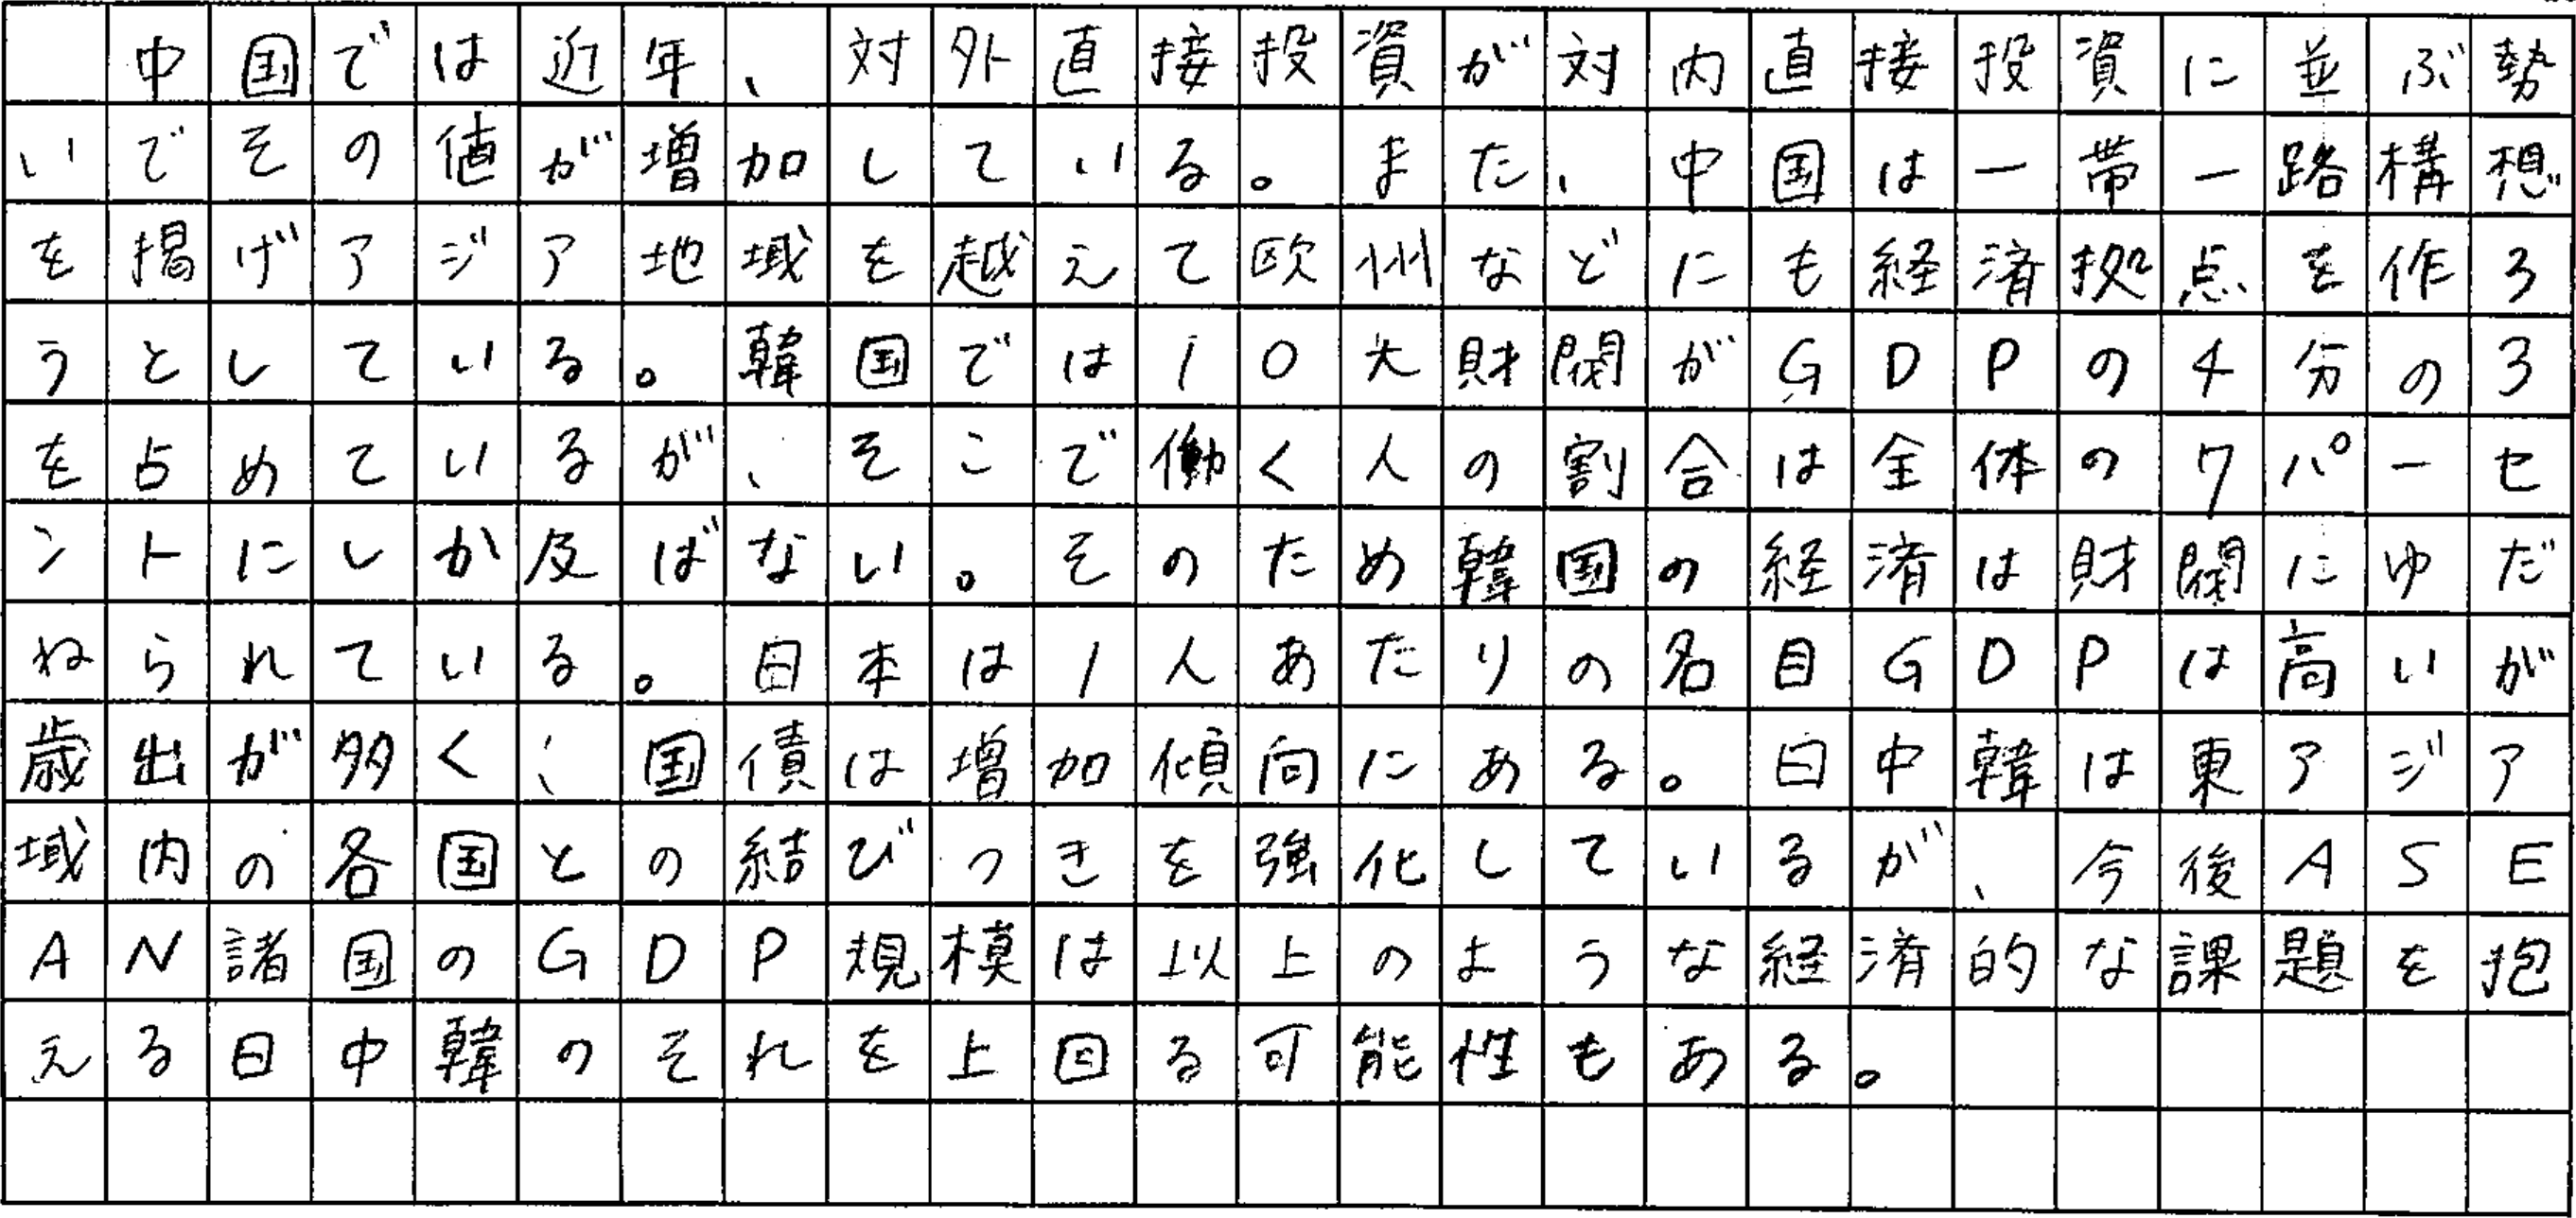　中国では近年、対外直接投資が対内直接投資に並ぶ勢いでその値が増加している。また、中国は一帯一路構想を掲げアジア地域を越えて欧州などにも経済拠点を作ろうとしている。韓国では１０大財閥がＧＤＰの４分の３を占めているが、そこで働く人の割合は全体の７パーセントにしか及ばない。そのため韓国の経済は財閥にゆだねられている。日本は１人あたりの名目ＧＤＰは高いが歳出が多く、国債は増加傾向にある。日中韓は東アジア域内の各国との結びつきを強化しているが、今後ＡＳＥＡＮ諸国のＧＤＰ規模は以上のような経済的な課題を抱える日中韓のそれを上回る可能性もある。
